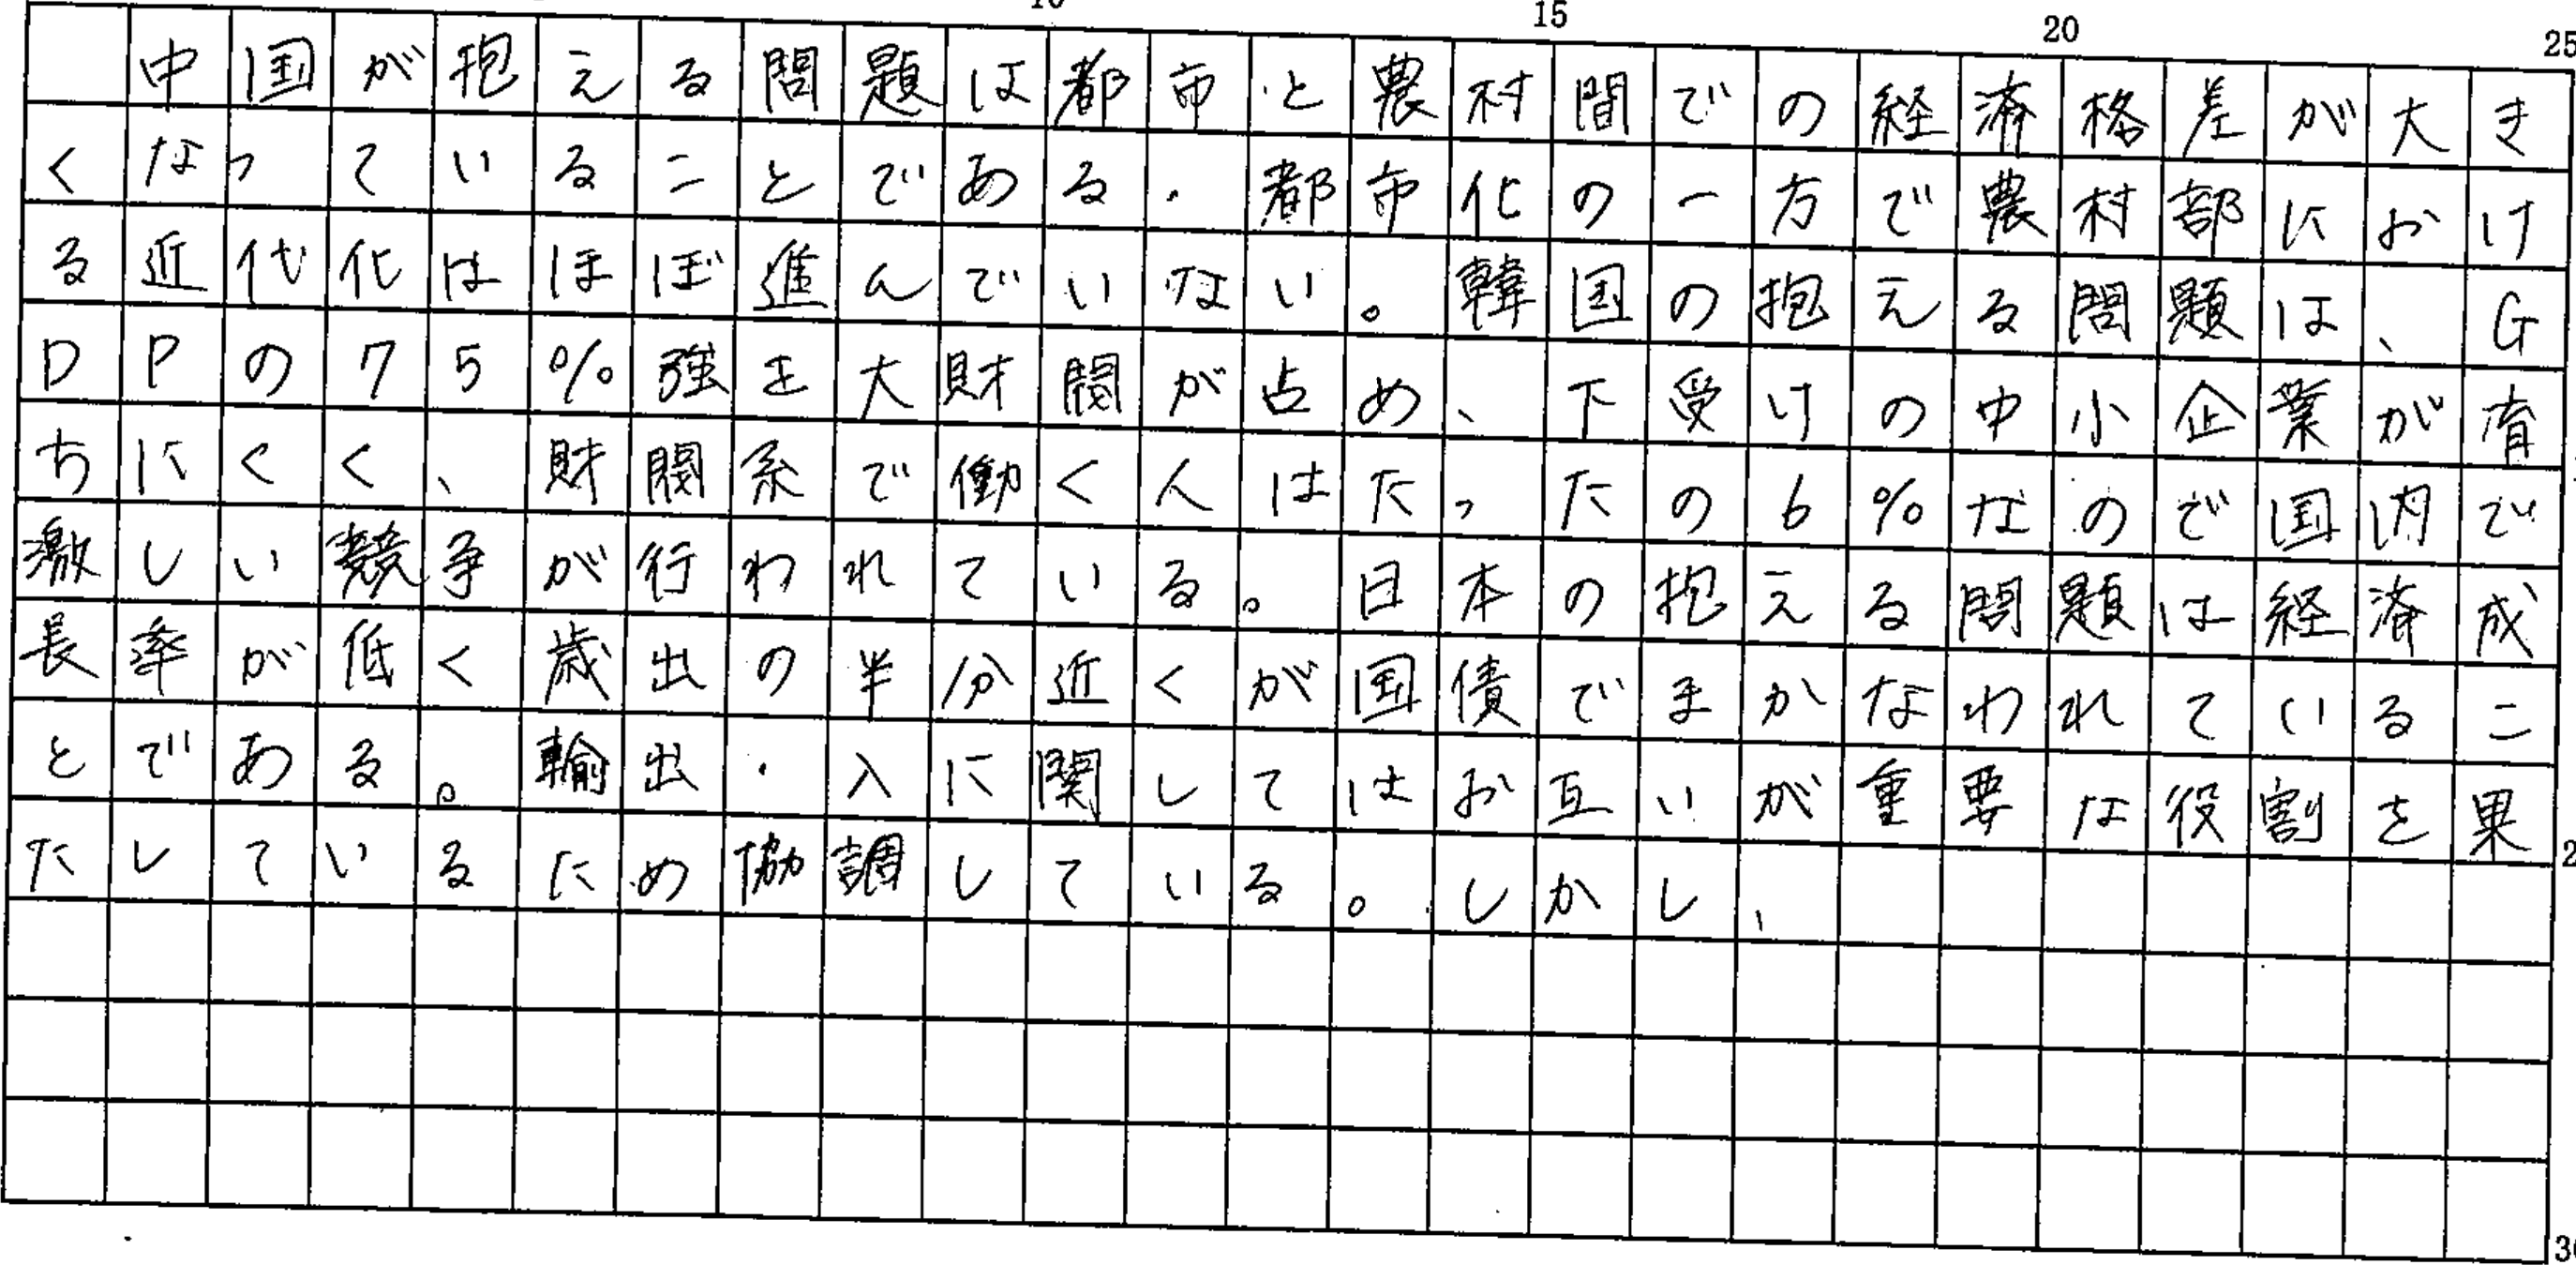　中国が抱える問題は都市と農村間での経済格差が大きくなっていることである。都市化の一方で農村部における近代化はほぼ進んでいない。韓国の抱える問題は、ＧＤＰの７５％強を大財閥が占め、下受けの中小企業が育ちにくく、財閥系で働く人はたったの６％なので国内で激しい競争が行われている。日本の抱える問題は経済成長率が低く歳出の半分近くが国債でまかなわれていることである。輸出・入に関してはお互いが重要な役割を果たしているため協調している。しかし、
